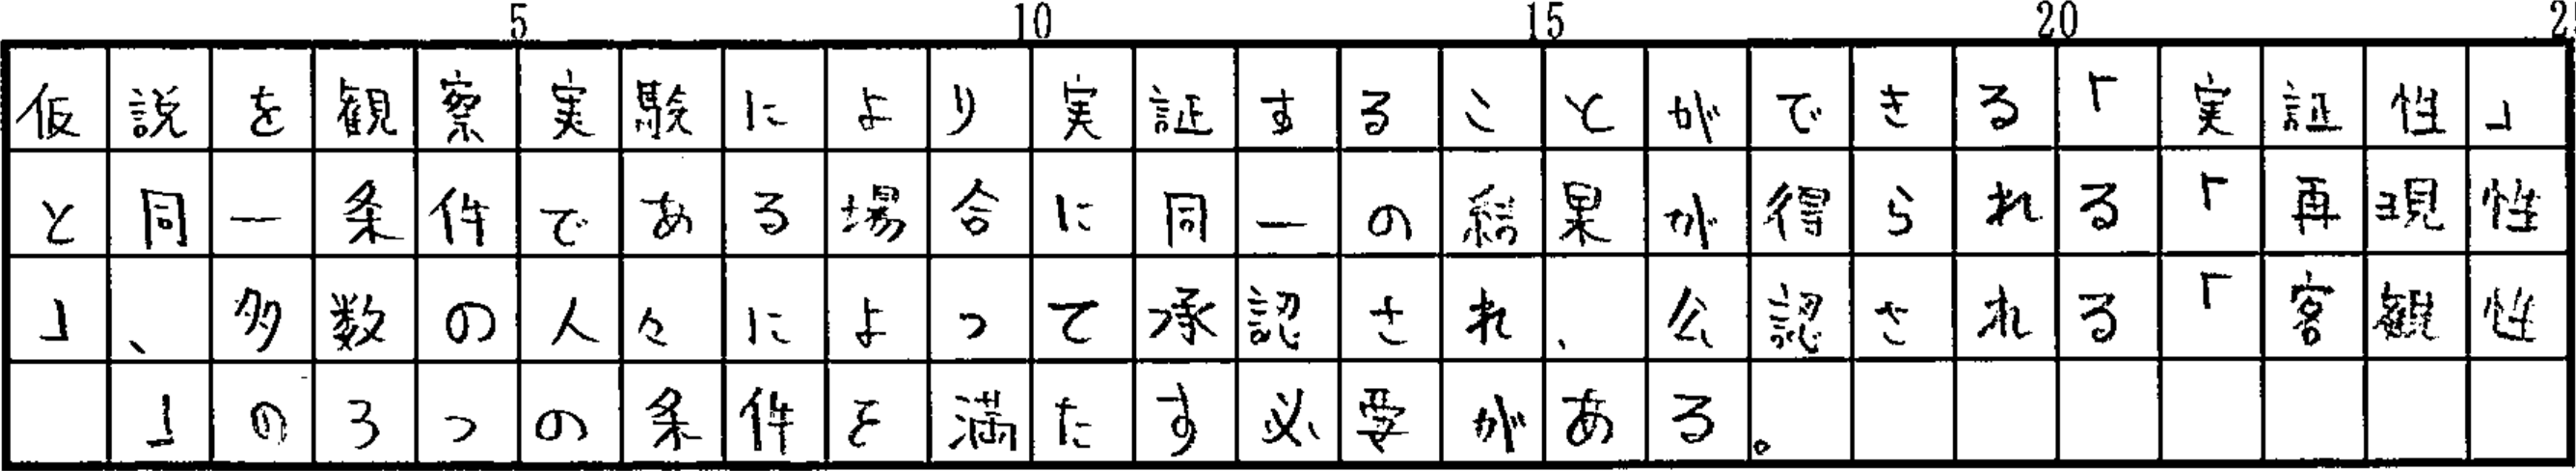仮説を観察実験により実証することができる「実証性」と同一条件である場合に同一の結果が得られる「再現性」、多数の人々によって承認され、公認される「客観性　」の３つの条件を満たす必要がある。
